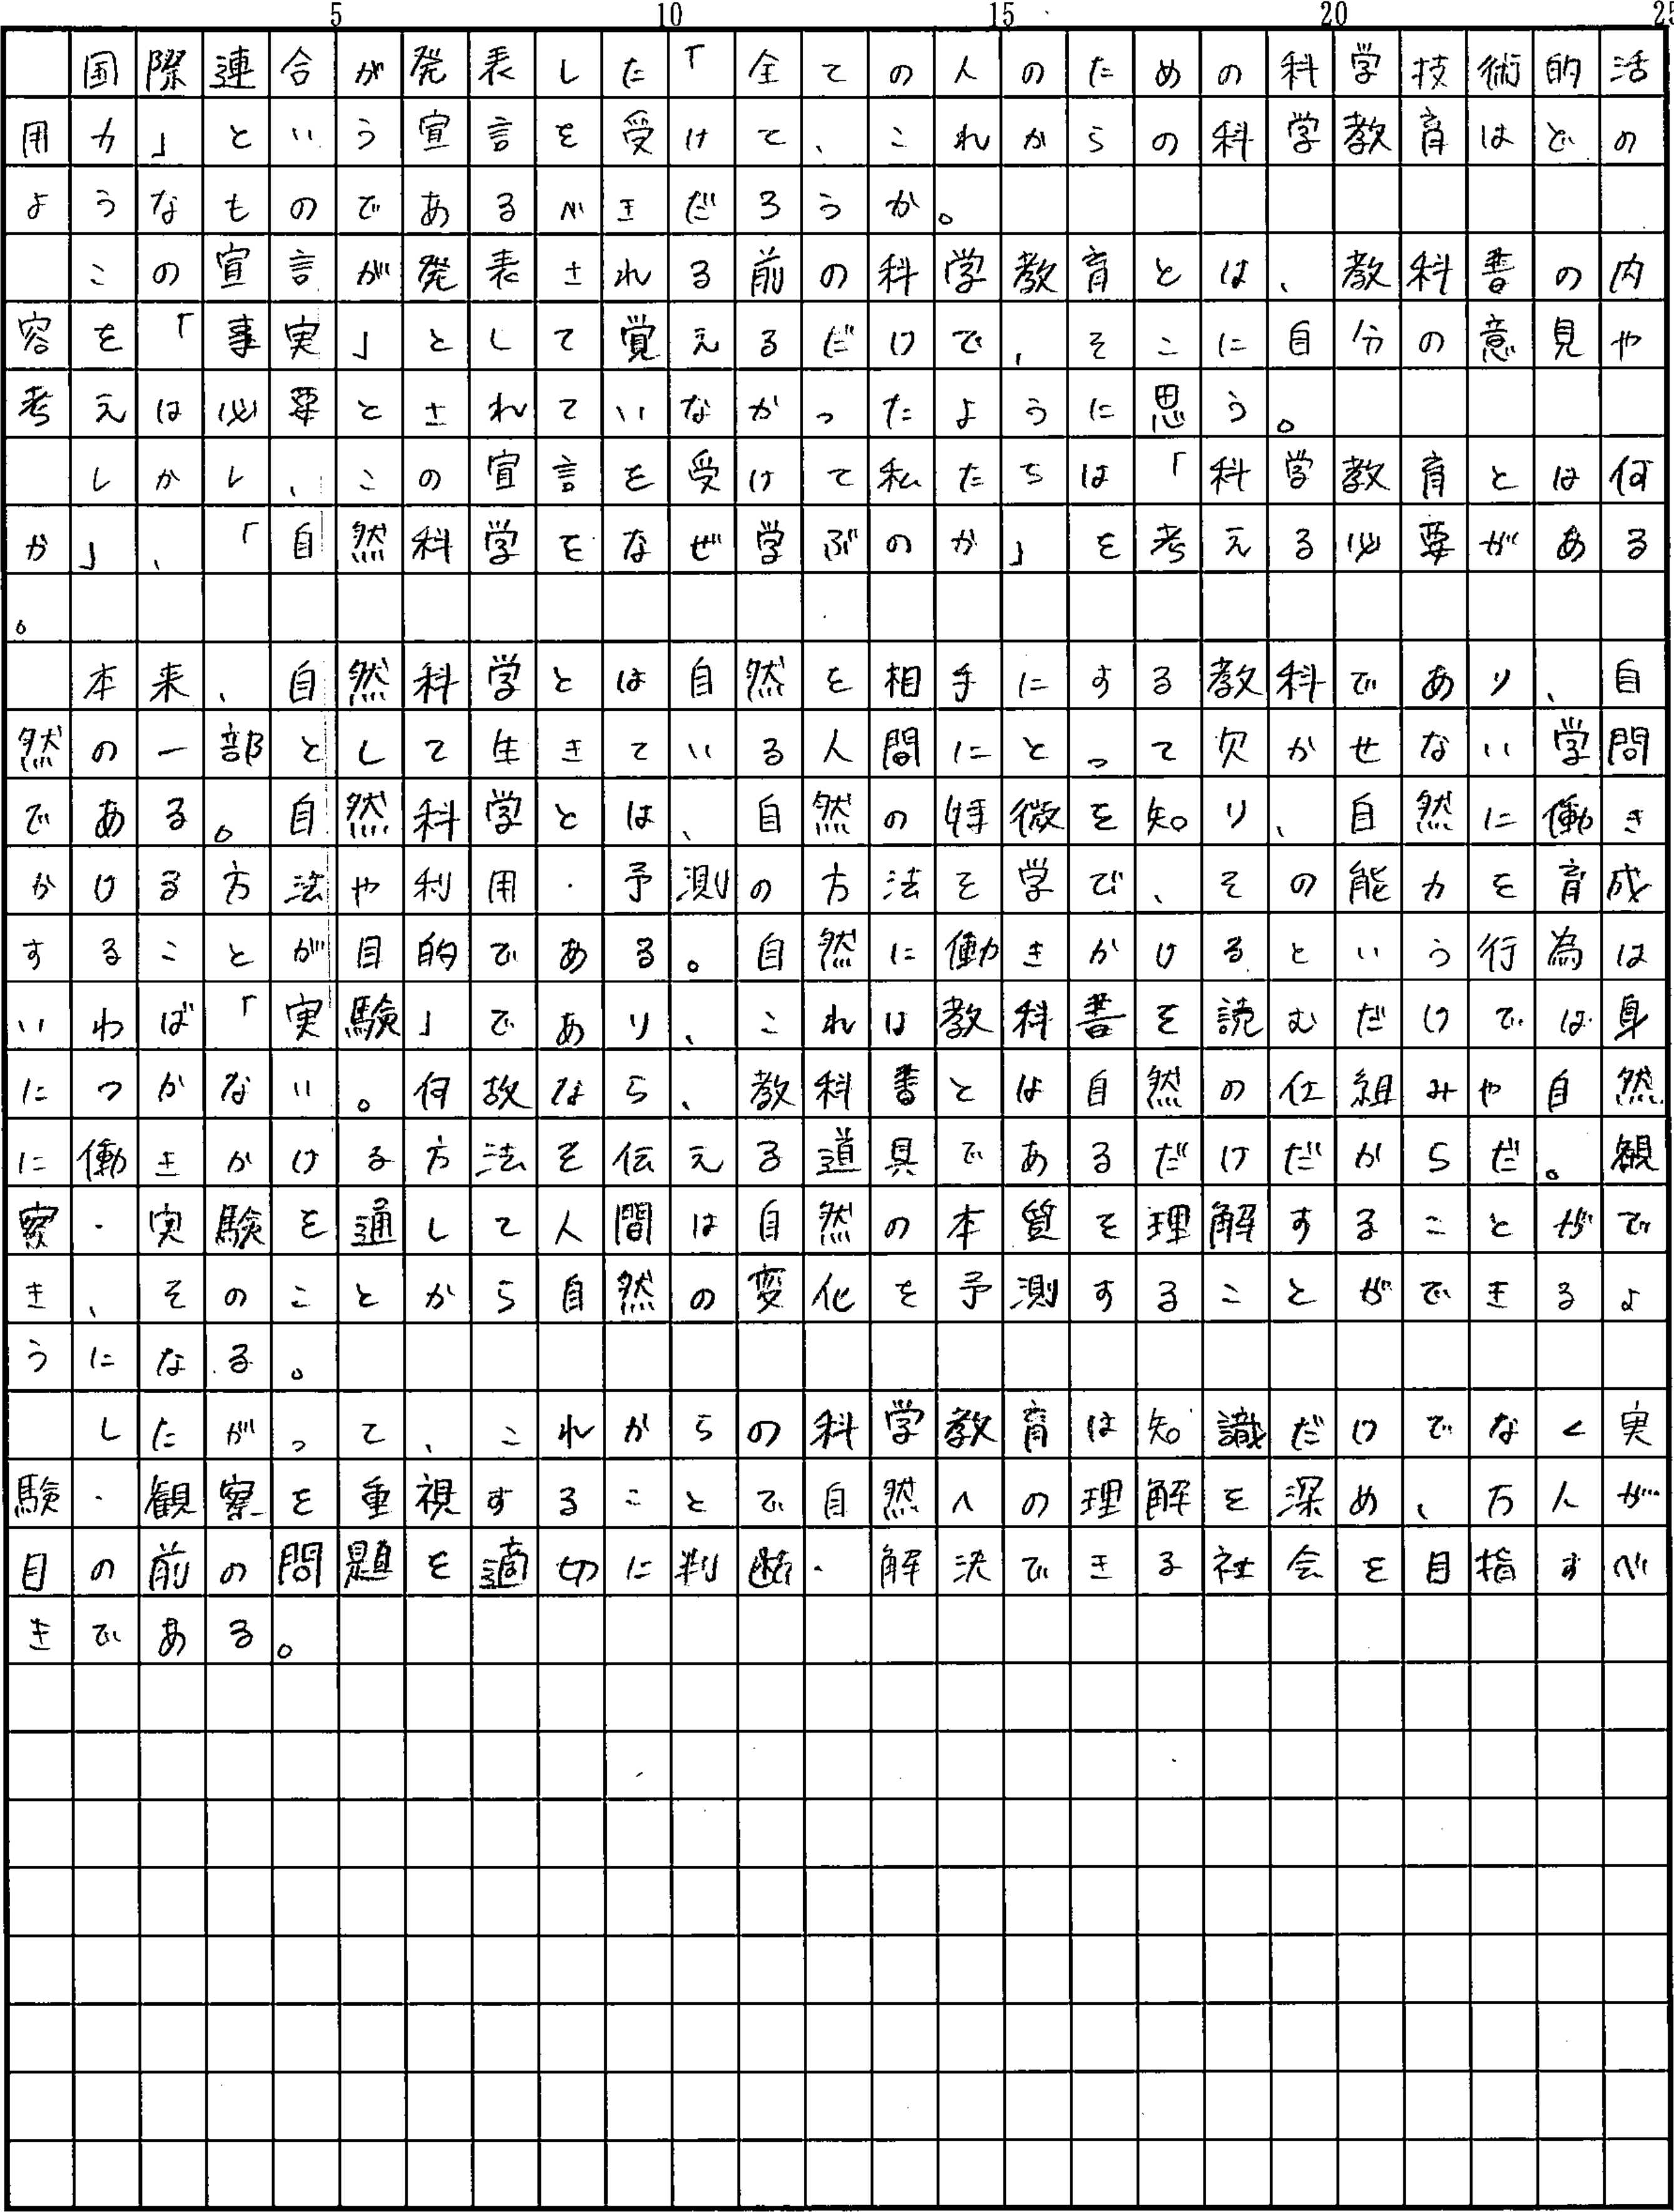　国際連合が発表した「全ての人のための科学技術的活用力」という宣言を受けて、これからの科学教育はどのようなものであるべきだろうか。
　この宣言が発表される前の科学教育とは、教科書の内容を「事実」として覚えるだけで、そこに自分の意見や考えは必要とされていなかったように思う。
　しかし、この宣言を受けて私たちは「科学教育とは何か」、「自然科学をなぜ学ぶのか」を考える必要がある。
　本来、自然科学とは自然を相手にする教科であり、自然の一部として生きている人間にとって欠かせない学問である。自然科学とは、自然の特微を知り、自然に働きかける方法や利用・予測の方法を学び、その能力を育成することが目的である。自然に働きかけるという行為はいわば「実験」であり、これは教科書を読むだけでは身につかない。何故なら、教科書とは自然の仕組みや自然に働きかける方法を伝える道具であるだけだからだ。観察・実験を通して人間は自然の本質を理解することができ、そのことから自然の変化を予測することができるようになる。
　したがって、これからの科学教育は知識だけでなく実験・観察を重視することで自然への理解を深め、万人が目の前の問題を適切に判断・解決できる社会を目指すべきである。
